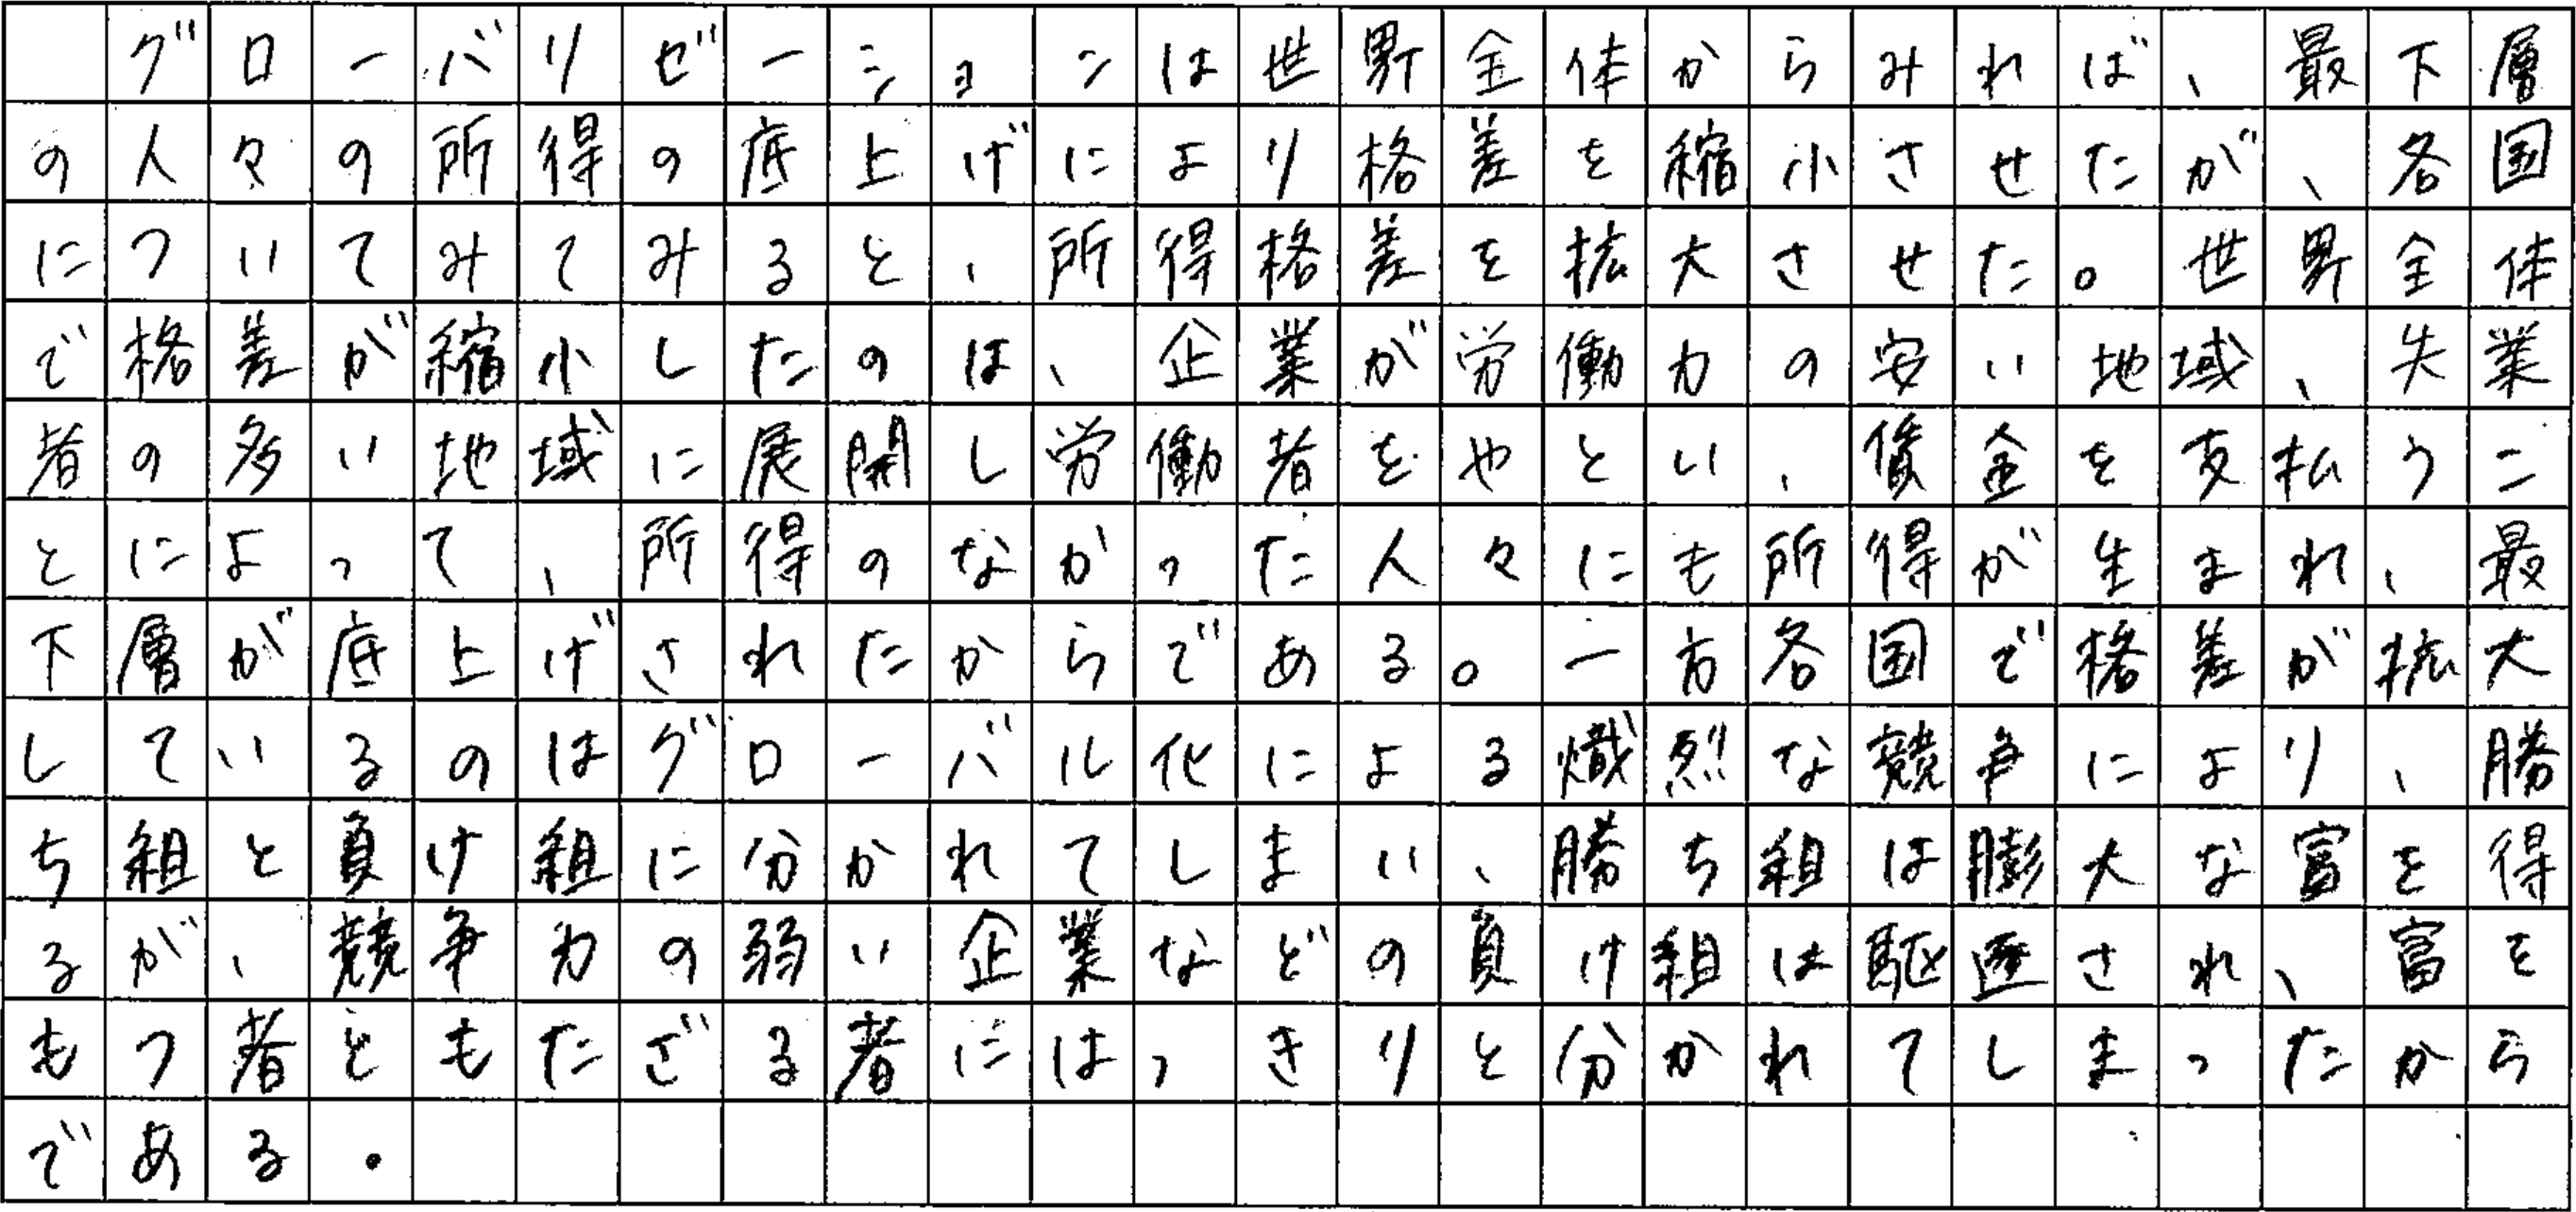　グローバリゼーションは世界全体からみれば、最下層の人々の所得の底上げにより格差を縮小させたが、各国についてみてみると、所得格差を拡大させた。世界全体で格差が縮小したのは、企業が労働力の安い地域、失業者の多い地域に展開し労働者をやとい、賃金を支払うことによって、所得のなかった人々にも所得が生まれ、最下層が底上げされたからである。一方各国で格差が拡大しているのはグローバル化による熾烈な競争により、勝ち組と負け組に分かれてしまい、勝ち組は膨大な富を得るが、競争力の弱い企業などの負け組は駆逐され、富をもつ者ともたざる者にはっきりと分かれてしまったからである。
